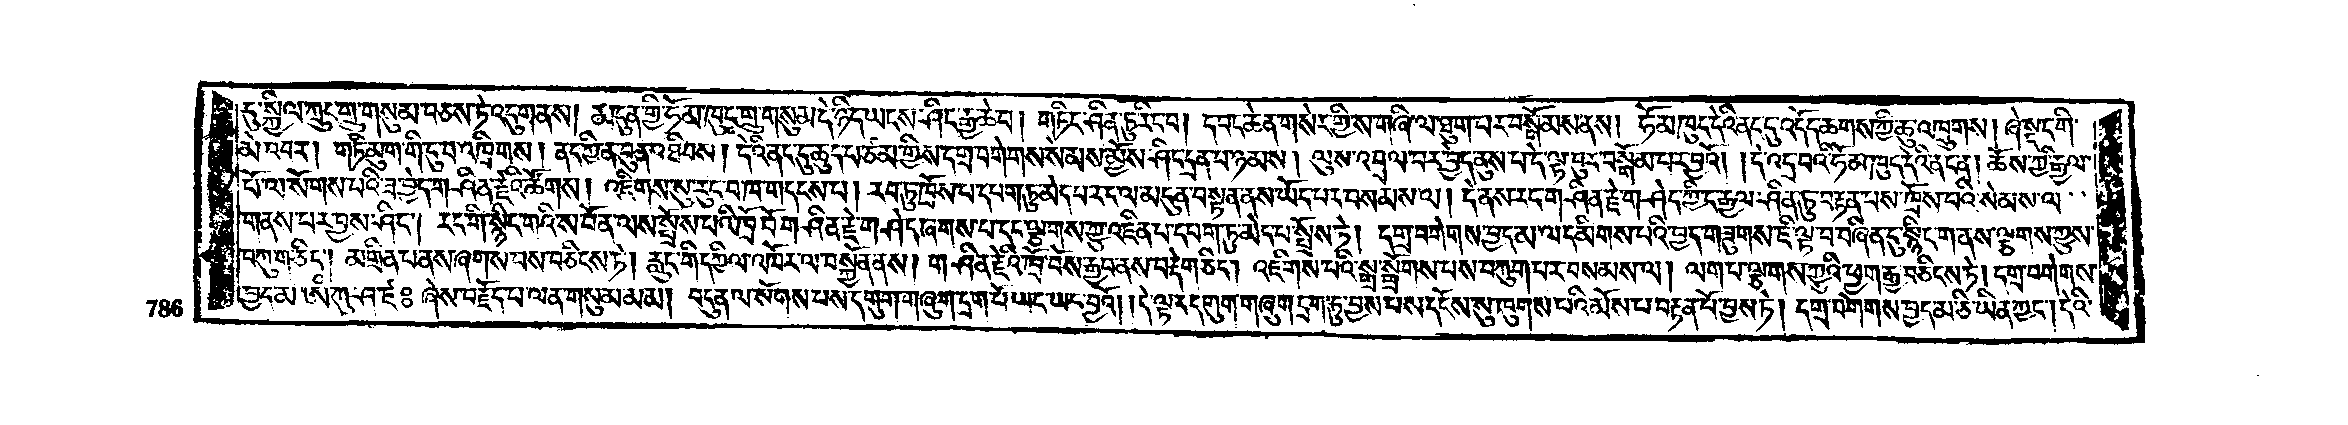དུ་སྐྱིལ་ཀྲུང་གྲུ་གསུམ་བཅས་ཏེ་འདུག་ནས། མདུན་གྱི་ཧོམ་ཁུང་གྲུ་གསུམ་དེ་ཉིད་ཡངས་ཤིང་རྒྱ་ཆེ་བ། གཏིང་ཤིན་ཏུ་རིང་བ། དབང་ཆེན་གསེར་གྱི་ས་གཞི་ལ་ཐུག་པར་བསྒོམས་ནས། ཧོམ་ཁུང་དེའི་ནང་དུ་འདོད་ཆགས་ཀྱི་ཆུ་འཁྲུགས། ཞེ་སྡང་གི་
མེ་འབར། གཏི་མུག་གི་དུ་བ་འཁྲིགས། ནད་ཀྱི་ན་བུན་འཐིབས། དེའི་ནང་དུ་ཆུད་པ་ཙམ་གྱིས་དགྲ་བགེགས་སེམས་མྱོས་ཤིང་དྲན་པ་ཉམས། ལུས་འབྲལ་བར་བྱེད་ནུས་པ་དེ་ལྟ་བུར་བསྒོམ་པར་བྱའོ། །དེ་འདྲ་བའི་ཧོམ་ཁུད་དེའི་ནང་ན། ཆོས་ཀྱི་རྒྱལ་
པོ་ལ་སོགས་པའི་ཟ་བྱེད་གཤིན་རྗེའི་ཚོགས། འཇིགས་སུ་རུང་བ་ཁ་གདངས་པ། རབ་ཏུ་ཁྲོས་པ་དཔག་ཏུ་མེད་པ་རང་ལ་མདུན་བསྟན་ནས་ཡོད་པར་བསམས་ལ། དེ་ནས་རང་གཤིན་རྗེ་གཤེད་ཀྱི་ང་རྒྱལ་ཤིན་ཏུ་བརྟན་པས་ཁྲོས་པའི་སེམས་ལ་
གནས་པར་བྱས་ཤིང་། རང་གི་སྙིང་གའི་ས་བོན་ལས་སྤྲོས་པའི་ཁྲོ་བོ་གཤིན་རྗེ་གཤེད་ཞགས་པ་དང་ལྕགས་ཀྱུ་འཛིན་པ་དཔག་ཏུ་མེད་པ་སྤྲོས་ཏེ། དགྲ་བགེགས་བྱད་མ་ལ་དམིགས་པའི་བྱད་གཟུགས་ཇི་ལྟ་བ་བཞིན་དུ་སྙིང་གནས་ལྕགས་ཀྱུས་
བཀུག་ཅིང་། མགྲིན་པ་ནས་ཞགས་པས་བཅིངས་ཏེ། རླུང་གི་དཀྱིལ་འཁྲོ་ལ་བསྐྱོན་ནས། གཤིན་རྗེའི་ཁྲོ་བོས་རྒྱབ་ནས་བརྡེག་ཅིང་། འཇིགས་པའི་སྒྲ་སྒྲོགས་པས་བཀུག་པར་བསམས་ལ། ལག་པ་ལྕགས་ཀྱུའི་ཕྱག་རྒྱ་བཅིངས་ཏེ། དགྲ་བགེགས་
བྱད་མ་ཨཾ་ཀུ་ཤ་ཛཿ ཞེས་བརྗོད་པ་ལན་གསུམ་མམ། བདུན་ལ་སོགས་པས་དགུག་གཞུག་དྲག་པོ་ཡང་ཡང་བྱའོ། །དེ་ལྟར་དགུག་གཞུག་དྲག་ཏུ་བྱས་པས་དངོས་སུ་ཁུགས་པའི་མོས་པ་བརྟན་པོ་བྱས་ཏེ། དགྲ་བགེགས་བྱད་མ་ཅི་ཡིན་ཀྱང་། དེའི་